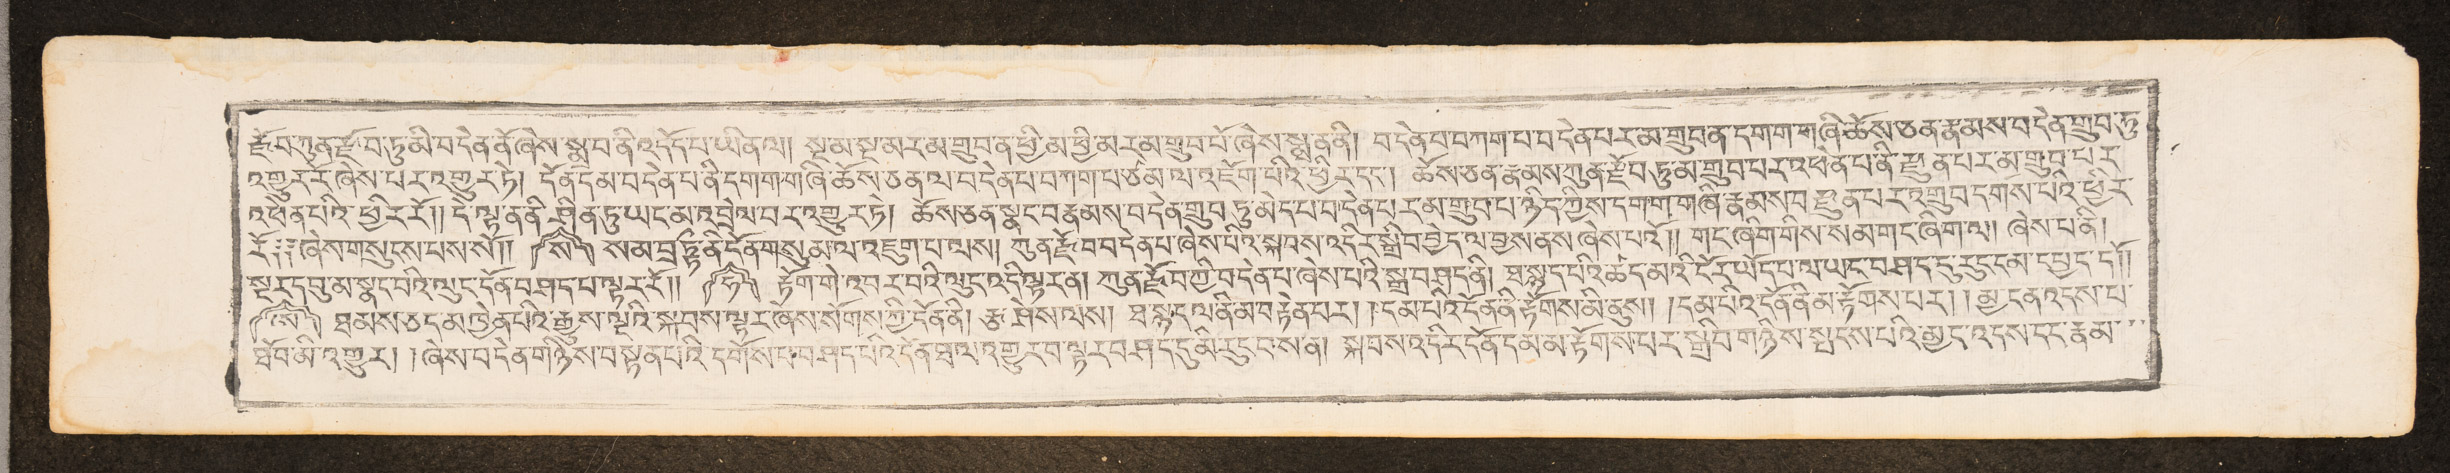རྫོབ་ཀུན་རྫོབ་ཏུ་མི་བདེན་ནི་ཞེས་སྨྲ་བ་ནི་འདོད་པ་ཡིན་ལ། སྔ་མ་སྔ་མར་མ་གྲུབ་ན་ཕྱི་མ་ཕྱི་མར་མ་གྲུབ་པོ་ཞེས་སྨྲ་ན་ནི། བདེན་པ་བཀག་པ་བདེན་པར་མ་གྲུབ་ན་དགག་གཞི་ཆོས་ཅན་རྣམས་བདེན་གྲུབ་ཏུ་
འགྱུར་རོ་ཞེས་པར་འགྱུར་ཏེ། དོན་དམ་བདེན་པ་ནི་དགག་གཞི་ཆོས་ཅན་ལ་བདེན་པ་བཀག་པ་ཙམ་ལ་འཇོག་པའི་ཕྱིར་དང་། ཆོས་ཅན་རྣམས་ཀུན་རྫོབ་ཏུ་མ་གྲུབ་པར་འཕེན་པ་ནི་རྫུན་པར་མ་གྲུབ་པར་
འཕེན་པའི་ཕྱིར་རོ།། དེ་ལྟ་ན་ནི་ཤིན་ཏུ་ཡང་མ་འབྲེལ་བར་འགྱུར་ཏེ། ཆོས་ཅན་སྣང་བ་རྣམས་བདེན་གྲུབ་ཏུ་མེད་པ་བདེན་པར་མ་གྲུབ་པ་ཉིད་ཀྱིས་དགག་གཞི་རྣམས་བརྫུན་པར་འགྲུབ་དགོས་པའི་ཕྱིར་
རོ༑ ༑ཞེས་གསུངས་པས་སོ།། ༼༽ས༼༽ སམ་བྲི་ཏྟ་ནི་དོན་གསུམ་ལ་འཇུག་པ་ལས། ཀུན་རྫོབ་བདེན་པ་ཞེས་པའི་སྐབས་འདིར་སྒྲིབ་བྱེད་ལ་བྱས་ནས་ཞེས་པའོ།། གང་ཞིག་གིས་སམ་གནག་ཞིག་ལ། ཞེས་པ་ནི།
སྔར་དབུ་མ་སྣང་བའི་ལུང་དོན་བཤད་པ་ལྟར་རོ།། ༼༽ཧ༼༽ རྟོག་གེ་འབར་བའི་ལུང་འདི་ལྟར་ན། ཀུན་རྫོབ་ཀྱི་བདེན་པ་ཞེས་པའི་སྒྲ་བཤད་ནི། ཐ་སྙད་པའི་ཚད་མའི་ངོར་ཡོད་པ་ལ་ཡང་བཤད་དུ་རུང་དམ་དཔྱད་དོ་། །
༼༽ཨ༼༽ ཐམས་ཅད་མཁྱེན་པའི་རྒྱུས་ལྔའི་སྐབས་ལྟར་ཞེས་སོགས་གྐྱི་དོན་ནི། རྩ་ཤེས་ལས་། །ཐ་སྙད་ལ་ནི་བརྟེན་པར་། །དམ་པའི་དོན་ནི་རྟོགས་མི་ནུས་། །དམ་པའི་དོན་ནི་མ་རྟོགས་པར་། །མྱ་དན་འདས་པ་
ཐོབ་མི་འགྱུར་། །ཞེས་བདེན་གཉིས་བསྟན་པའི་དགོས་པ་བཤད་པའི་དོན་ཐལ་འགྱུར་བ་ལྟར་བཤད་དུ་མི་རུང་བས་ན། སྐབས་འདིར་དོན་དམ་མ་རྟོགས་པར་སྒྲིབ་གཉིས་སྤངས་པའི་མྱང་འདས་དང་རྣམ་